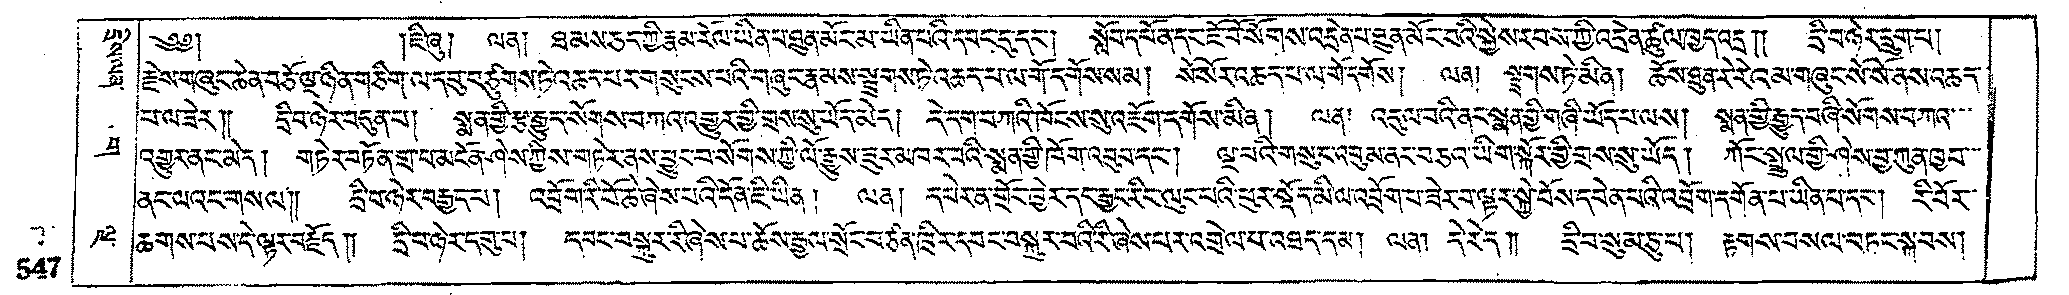༄༅། །ཇི་ཞུ། ལན། ཐམས་ཅད་ཀྱི་རྣམ་རོལ་ཡིན་པ་ཐུན་མོང་མ་ཡིན་པའི་དབང་དུ་དང་། སློབ་དཔོན་དང་ཇོ་བོ་སོགས་འདྲེན་པ་ཐུན་མོང་བའི་སྐྱེས་རབས་ཀྱི་འདྲེན་ཚུལ་ཁྱད་འདྲ།། དྲི་བ་ཉེར་དྲུག་པ།
རྗེས་གཞུང་ཆེན་བཅོ་ལྔ་ཉིན་གཅིག་ལ་དབུ་བཙུགས་ཏེ་འཆད་པར་གསུངས་པའི་གཞུང་རྣམས་སྦྲགས་ཏེ་འཆད་པ་ལ་གོ་དགོས་སམ། སོ་སོར་འཆད་པ་ལ་གོ་དགོས། ལན། སྦྲགས་ཏེ་མིན། ཆོས་ཐུན་རེ་རེའམ་གཞུང་སོ་སོ་ནས་འཆད་
པ་ལ་ཟེར།། དྲི་བ་ཉེར་བདུན་པ། སྨན་གྱི་རྩ་རྒྱུད་སོགས་བཀའ་འགྱུར་གྱི་གྲས་སུ་ཡོད་མེད། དེ་དག་བཀའི་ཁོངས་སུ་འཇོག་དགོས་མིན། ལན། འདུལ་བའི་ནང་སྨན་གྱི་གཞི་ཡོད་པ་ལས། སྨན་གྱི་རྒྱུད་བཞི་སོགས་བཀའ་་་
འགྱུར་ནང་མེད། གཏེར་བཏོན་གྲ་པ་མངོན་ཤེས་ཀྱིས་གཏེར་ནས་ཕྱུང་བ་སོགས་ཀྱི་ལོ་རྒྱུས་ཟུར་མཁར་བའི་སྨན་གྱི་ཁོག་འབུབ་དང་། ལྔ་པའི་གསུང་འབུམ་ནང་བཅའ་ཡིག་སྐོར་གྱི་གྲས་སུ་ཡོད། ཀོང་སྤྲུལ་གྱི་ཤེས་བྱ་ཀུན་ཁྱབ་་་
ནང་ལའང་གསལ།། དྲི་བ་ཉེར་བརྒྱད་པ། འབྲོག་རི་བོ་ཆེ་ཞེས་པའི་དོན་ཇི་ཡིན། ལན། དཔེར་ན་གྲོང་ཁྱེར་དང་རྒྱང་རིང་ལུང་པའི་ཕུར་སྡོད་མི་ལ་འབྲོག་པ་ཟེར་བ་ལྟར་སྐྱེ་བོས་དབེན་པའི་འབྲོག་དགོན་པ་ཡིན་པ་དང་། རི་བོར་་་
ཆགས་པས་དེ་ལྟར་བརྗོད།། དྲི་བ་ཉེར་དགུ་པ། དབང་བསྐུར་རི་ཞེས་པ་ཆོས་རྒྱལ་སྲོང་བཙན་ཁྲིར་དབང་བསྐུར་བའི་རི་ཞེས་པར་འགྲེལ་པ་འཐད་དམ། ལན། དེ་རེད།། དྲི་བ་སུམ་ཅུ་པ། རྟགས་བསལ་བཏང་སྐབས།